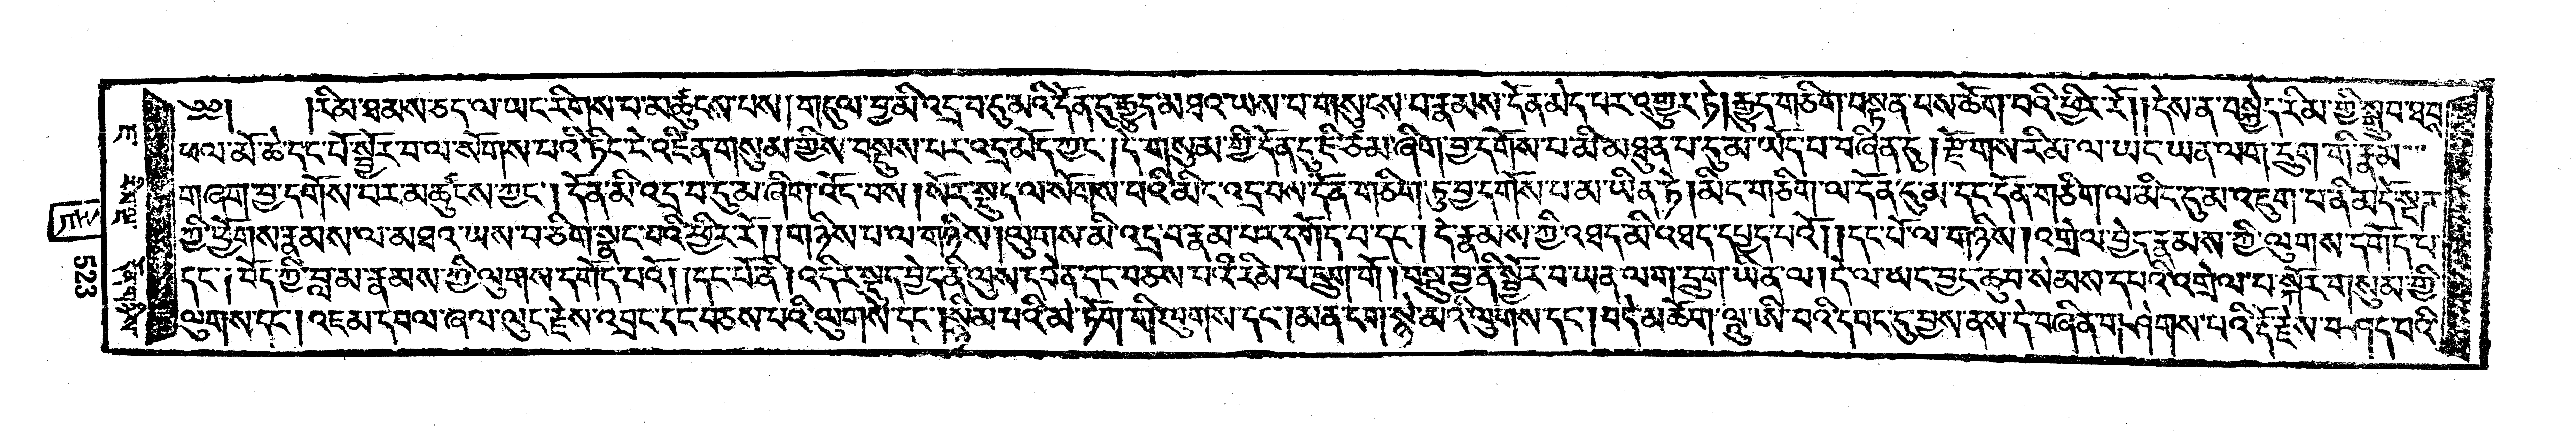༄༅། །རིམ་ཐམས་ཅད་ལ་ཡང་རིགས་པ་མཚུངས་པས། གདུལ་བྱ་མི་འདྲ་བ་དུ་མའི་དོན་དུ་རྒྱུད་མཐའ་ཡས་པ་གསུངས་པ་རྣམས་དོན་མེད་པར་འགྱུར་ཏེ། རྒྱུད་གཅིག་བསྟན་པས་ཆོག་པའི་ཕྱིར་རོ། །དེས་ན་བསྐྱེད་རིམ་གྱི་སྒྲུབ་ཐབས་
ཕལ་མོ་ཆེ་དང་པོ་སྦྱོར་བ་ལ་སོགས་པའི་ཏིང་ངེ་འཛིན་གསུམ་གྱིས་བསྡུས་པར་འདྲ་མོད་ཀྱང་། དེ་གསུམ་གྱི་དོན་དུ་ཇི་ཙམ་ཞིག་བྱ་དགོས་པ་མི་མཐུན་པ་དུ་མ་ཡོད་པ་བཞིན་དུ། རྫོགས་རིམ་ལ་ཡང་ཡན་ལག་དྲུག་གི་རྣམ་
གཞག་བྱ་དགོས་པར་མཚུངས་ཀྱང་། དོན་མི་འདྲ་བ་དུ་མ་ཞིག་འོང་བས། སོར་སྡུད་ལ་སོགས་པའི་མིང་འདྲ་བས་དོན་གཅིག་ཏུ་བྱ་དགོས་པ་མ་ཡིན་ཏེ། མིང་གཅིག་ལ་དོན་དུ་མ་དང་དོན་གཅིག་ལ་མིང་དུ་མ་འཇུག་པ་ནི་མདོ་སྔགས་
ཀྱི་ཕྱོགས་རྣམས་ལ་མཐའ་ཡས་པ་ཅིག་སྣང་བའི་ཕྱིར་རོ། །གཉིས་པ་ལ་གཉིས། ལུགས་མི་འདྲ་བ་རྣམ་པར་དགོད་པ་དང་། དེ་རྣམས་ཀྱི་འཐད་མི་འཐད་དཔྱད་པའོ། །དང་པོ་ལ་གཉིས། འགྲེལ་བྱེད་རྣམས་ཀྱི་ལུགས་དགོད་པ་
དང་། བོད་ཀྱི་བླ་མ་རྣམས་ཀྱི་ལུགས་དགོད་པའོ། །དང་པོ་ནི། འདིར་སྡུད་བྱེད་ནི་ལུས་དབེན་དང་བཅས་པའི་རིམ་པ་དྲུག་གོ །བསྡུ་བྱ་ནི་སྦྱོར་བ་ཡན་ལག་དྲུག་ཡིན་ལ། དེ་ལ་ཡང་བྱང་ཆུབ་སེམས་དཔའི་འགྲེལ་པ་སྐོར་གསུམ་གྱི་
ལུགས་དང་། འཇམ་དཔལ་ཞལ་ལུང་རྗེས་འབྲང་དང་བཅས་པའི་ལུགས་དང་། སྙིམ་པའི་མེ་ཏོག་གི་ལུགས་དང་། མན་ངག་སྙེ་མའི་ལུགས་དང་། བདེ་མཆོག་ལཱུ་ཨི་པའི་དབང་དུ་བྱས་ནས་དེ་བཞིན་གཤེགས་པའི་རྡོ་རྗེས་བཤད་པའི་